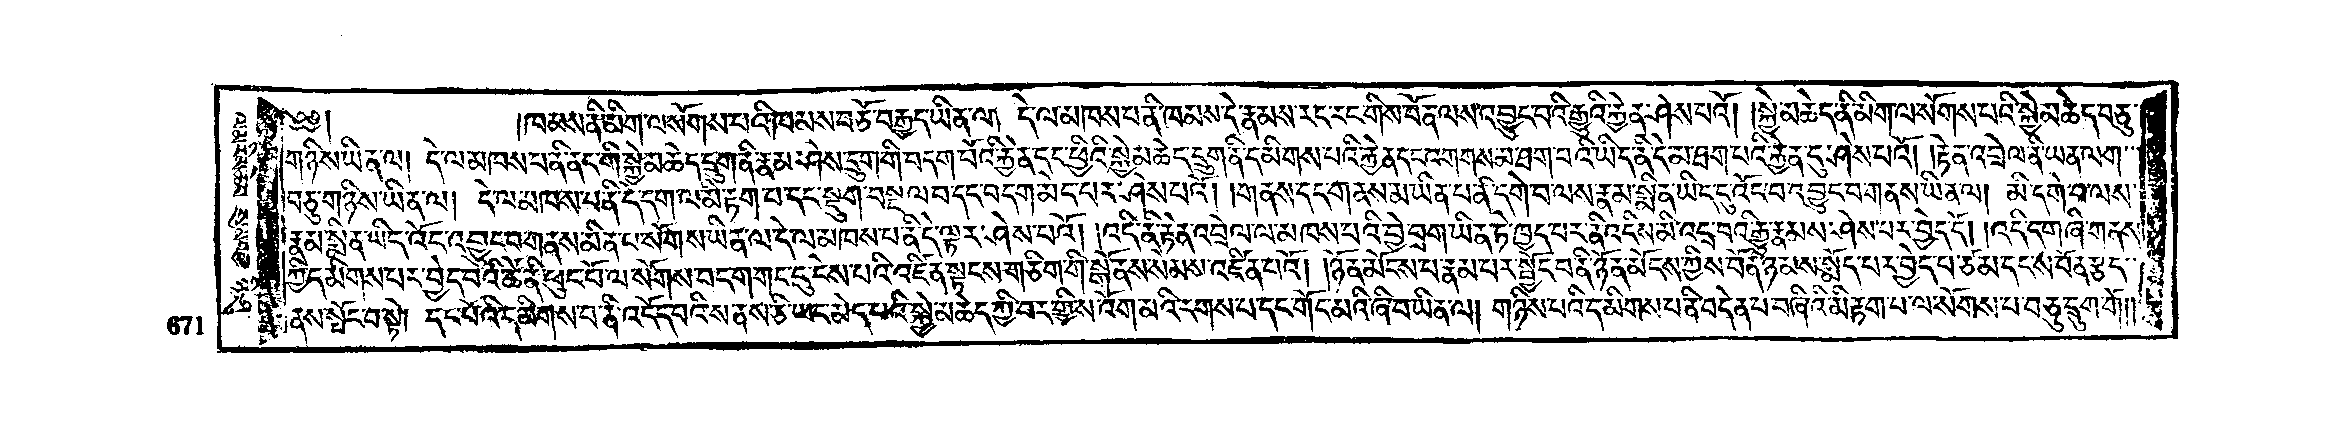༄༅། །ཁམས་ནི་མིག་ལ་སོགས་པའི་ཁམས་བཅོ་བརྒྱད་ཡིན་ལ། དེ་ལ་མཁས་པ་ནི་ཁམས་དེ་རྣམས་རང་རང་གི་ས་བོན་ལས་འབྱུང་བའི་རྒྱུའི་རྐྱེན་ཤེས་པའོ། །སྐྱེ་མཆེད་ནི་མིག་ལ་སོགས་པའི་སྐྱེ་མཆེད་བཅུ་
གཉིས་ཡིན་ལ། དེ་ལ་མཁས་པ་ནི་ནང་གི་སྐྱེ་མཆེད་དྲུག་ནི་རྣམ་ཤེས་དྲུག་གི་བདག་པོའི་རྐྱེན་དང་ཕྱིའི་སྐྱེ་མཆེད་དྲུག་ནི་དམིགས་པའི་རྐྱེན་དང་འགགས་མ་ཐག་པའི་ཡིད་ནི་དེ་མ་ཐག་པའི་རྐྱེན་དུ་ཤེས་པའོ། །རྟེན་འབྲེལ་ནི་ཡན་ལག་
བཅུ་གཉིས་ཡིན་ལ། དེ་ལ་མཁས་པ་ནི་དེ་དག་ལ་མི་རྟག་པ་དང་སྡུག་བསྔལ་བ་དང་བདག་མེད་པར་ཤེས་པའོ། །གནས་དང་གནས་མ་ཡིན་པ་ནི་དགེ་བ་ལས་རྣམ་སྨིན་ཡིད་དུ་འོང་བ་འབྱུང་བ་གནས་ཡིན་ལ། མི་དགེ་བ་ལས་
རྣམ་སྨིན་ཡིད་འོང་འབྱུང་བ་གནས་མིན་པ་སོགས་ཡིན་ལ་དེ་ལ་མཁས་པ་ནི་དེ་ལྟར་ཤེས་པའོ། །འདི་ནི་རྟེན་འབྲེལ་ལ་མཁས་པའི་བྱེ་བྲག་ཡིན་ཏེ་ཁྱད་པར་ནི་འདིས་མི་འདྲ་བའི་རྒྱུ་རྣམས་ཤེས་པར་བྱེད་དོ། །འདི་དག་ཞི་གནས་
ཀྱི་དམིགས་པར་བྱེད་པའི་ཚེ་ནི་ཕུང་པོ་ལ་སོགས་པ་དེ་དག་གང་དུ་ངེས་པའི་འཛིན་སྟངས་གཅིག་གི་སྒོ་ནས་སེམས་འཛིན་པའོ། །ཉོན་མོངས་པ་རྣམ་པར་སྦྱོང་བ་ནི་ཉོན་མོངས་ཀྱི་ས་བོན་ཉམས་སྨོད་པར་བྱེད་པ་ཙམ་དང་ས་བོན་རྩད་
ནས་སྤོང་བ་སྟེ། དང་པོའི་དམིགས་པ་ནི་འདོད་པའི་ས་ནས་ཅི་ཡང་མེད་པའི་སྐྱེ་མཆེད་ཀྱི་བར་གྱི་ས་འོག་མའི་རགས་པ་དང་གོང་མའི་ཞི་བ་ཡིན་ལ། གཉིས་པའི་དམིགས་པ་ནི་བདེན་པ་བཞིའི་མི་རྟག་པ་ལ་སོགས་པ་བཅུ་དྲུག་གོ། །